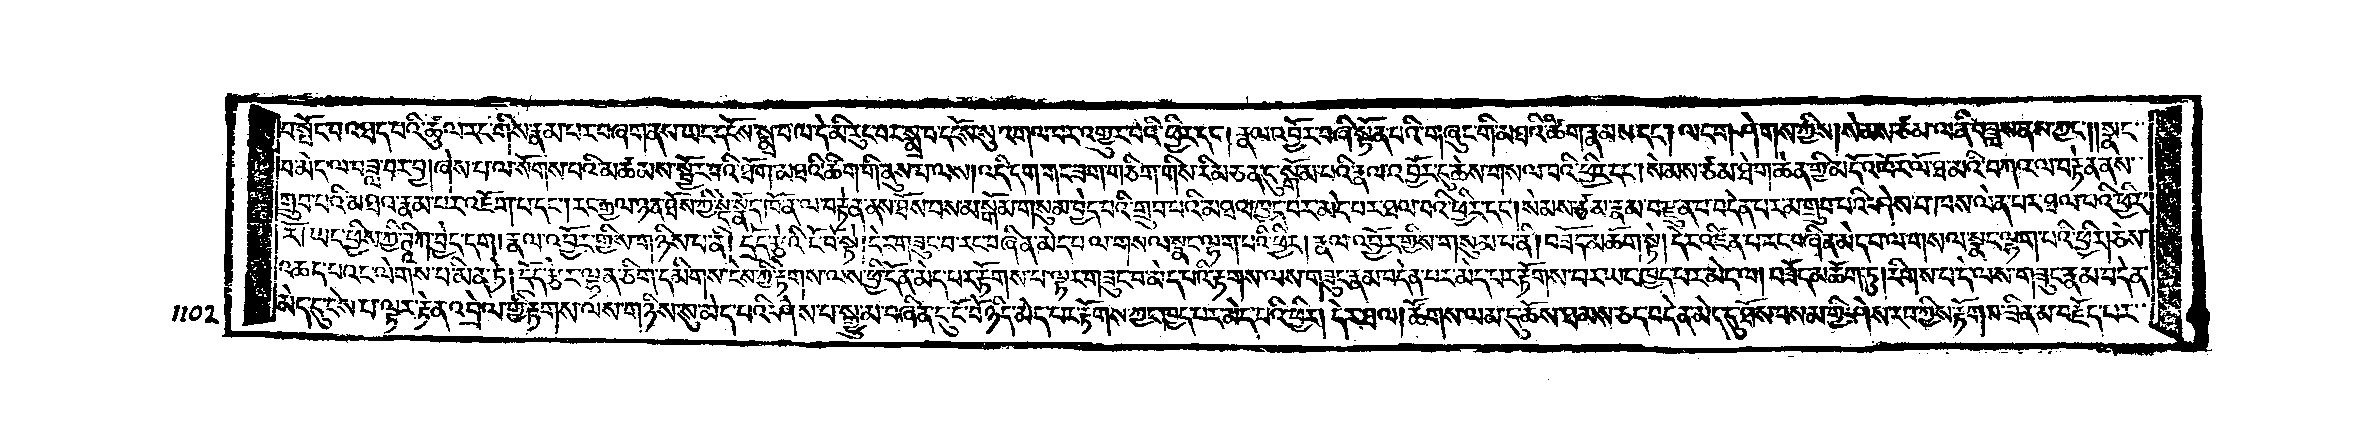པ་སྤོང་བ་འཐད་པའི་ཚུལ་རང་གིས་རྣམ་པར་བཞག་ནས་ཡང་དངོས་སྨྲ་བ་ལ་དེ་མི་རུང་བར་སྨྲ་བ་དངོས་སུ་འགལ་བར་འགྱུར་པའི་ཕྱིར་དང་། རྣལ་འབྱོར་བཞི་སྟོན་པའི་གཞུང་གི་མཐའི་ཚིག་རྣམས་དང་། ལང་གཤེགས་ཀྱིས། སེམས་ཙམ་ལ་ནི་བཟླས་ནས་ཀྱང་། །སྣང་
བ་མེད་ལ་བཟླ་བར་བྱ། ཞེས་པ་ལ་སོགས་པའི་མཚམས་སྦྱོར་བའི་ཐོག་མཐའི་ཚིག་གི་ནུས་པ་ལས། འདི་དག་གང་ཟག་གཅིག་གིས་རིམ་ཅན་དུ་སྒོམ་པའི་རྣལ་འབྱོར་དུ་ཆེས་གསལ་བའི་ཕྱིར་དང་། སེམས་ཙམ་ཐེག་ཆེན་གྱི་མདོ་འཁོར་ལོ་ཐ་མའི་བཀའ་ལ་བརྟེན་ནས་
གྲུབ་པའི་མཐའ་རྣམ་པར་འཇོག་པ་དང་། རང་རྒྱལ་ཉན་ཐོས་ཀྱི་སྡེ་སྣོད་ཁོ་ན་ལ་བརྟེན་ནས་ཐོས་བས་མ་སྒོམ་གསུམ་བྱེད་པའི་གྲུབ་པའི་མཐའ་ཁྱད་པར་མེད་པར་ཐལ་བའི་ཕྱིར་དང་། སེམས་ཙམ་རྣམ་བརྫུན་པ་བདེན་པར་མ་གྲུབ་པའི་ཤེས་པ་ཁས་ལེན་པར་ཐལ་པའི་ཕྱིར་
རོ། ཡང་ཕྱིས་ཀྱི་ཊཱིཀ་བྱེད་དག། རྣལ་འབྱོར་གྱིས་གཉིས་པ་ནི། དྲོད་རྩེའི་ངོ་བོ་སྟེ། དེར་གཟུང་བ་རང་བཞིན་མེད་པ་ལ་གསལ་སྣང་ལྷག་པའི་ཕྱིར། རྣལ་འབྱོར་གྱིས་གསུམ་པ་ནི། བཟོད་མཆོག་སྟེ། དེར་འཛིན་པ་རང་བཞིན་མེད་པ་ལ་གསལ་སྣང་ལྷག་པའི་ཕྱིར། ཅེས་
འཆད་པའང་ལེགས་པ་མིན་ཏེ། དྲོད་རྩེར་ལྷན་ཅིག་དམིགས་ངེས་ཀྱི་རྟགས་ལས་ཕྱི་དོན་མེད་པར་རྟོགས་པ་ལྟར་གཟུང་བ་མེད་པའི་རྟགས་ལས་གཟུང་རྣམ་བདེན་པར་མེད་པར་རྟོགས་པར་ཡང་ཁྱད་པར་མེད་ལ། བཟོད་མཆོག་ཏུ། རིགས་པ་དེ་ལས་གཟུང་རྣམ་བདེན་
མེད་དུ་ངེས་པ་ལྟར་རྟེན་འབྲེལ་གྱི་རྟགས་ལས་གཉིས་སུ་མེད་པའི་ཤེས་པ་སྒྱུ་མ་བཞིན་དུ་ངོ་བོ་ཉིད་མེད་པར་རྟོགས་ཀྱང་ཁྱད་པར་མེད་པའི་ཕྱིར། དེར་ཐལ། ཚོགས་ལམ་དུ་ཆོས་ཐམས་ཅད་བདེན་མེད་དུ་ཐོས་བསམ་གྱི་ཤེས་རབ་ཀྱིས་རྟོགས་ཟིན་མ་བརྗོད་པར་